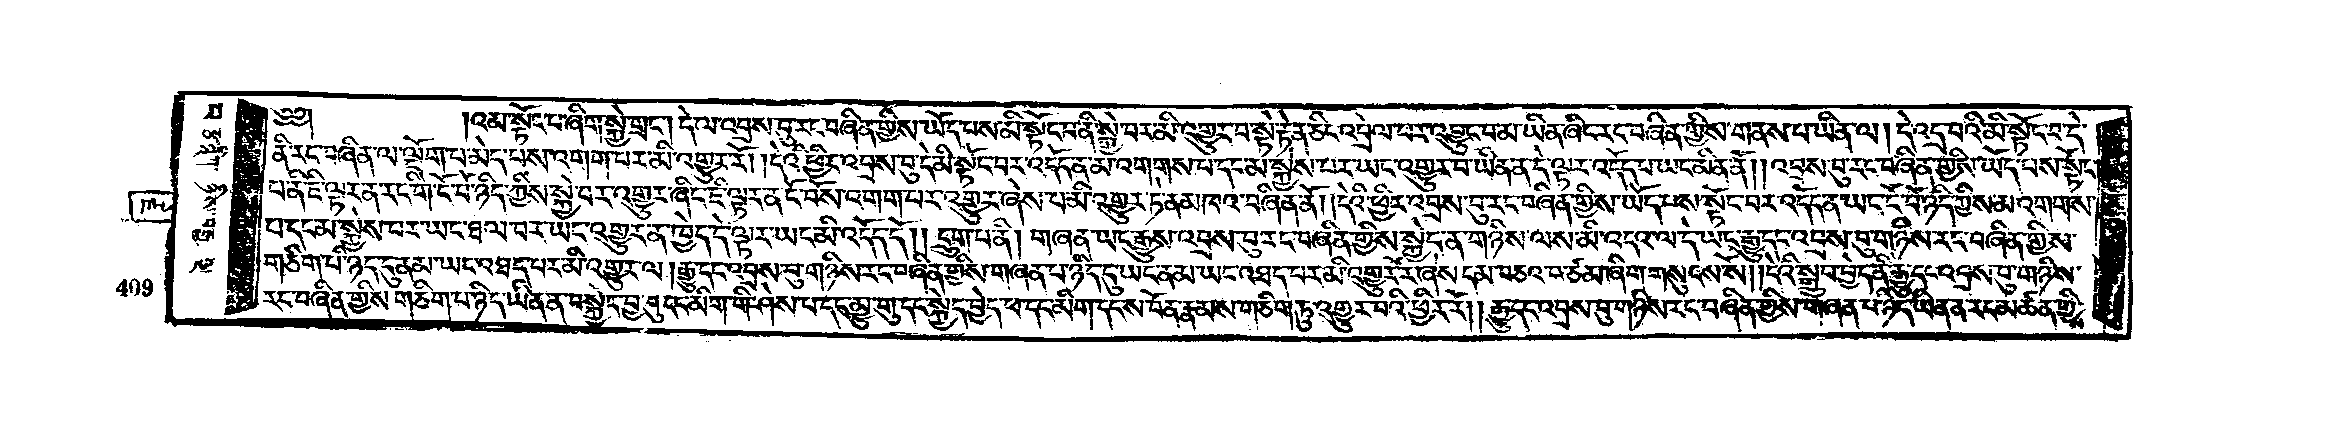༄༅། །འམ་སྟོང་པ་ཞིག་སྐྱེ་གྲང་། དེ་ལ་འབྲས་བུ་རང་བཞིན་གྱིས་ཡོད་པས་མི་སྟོང་པ་ནི་སྐྱེ་བར་མི་འགྱུར་བ་སྟེ་རྟེན་ཅིང་འབྲེལ་བར་འབྱུང་བ་མ་ཡིན་ཞིང་རང་བཞིན་གྱིས་གནས་པ་ཡིན་ལ། དེ་འདྲ་བའི་མི་སྟོང་པ་དེ་
ནི་རང་བཞིན་ལ་ལྡོག་པ་མེད་པས་འགག་པར་མི་འགྱུར་རོ། །དེའི་ཕྱིར་འབྲས་བུ་དེ་མི་སྟོང་པར་འདོད་ན་མ་འགགས་པ་དང་མ་སྐྱེས་པར་ཡང་འགྱུར་བ་ཡིན་ན་དེ་ལྟར་འདོད་པ་ཡང་མིན་ནོ། །འབྲས་བུ་རང་བཞིན་གྱིས་ཡོད་པས་སྟོང་
པ་ནི་ཇི་ལྟར་ན་རང་གི་ངོ་བོ་ཉིད་ཀྱིས་སྐྱེ་བར་འགྱུར་ཞིང་ཇི་ལྟར་ན་ངོ་བོས་འགགས་པར་འགྱུར་ཞེས་པ་མི་འགྱུར་ཏེ་ནམཁའ་བཞིན་ནོ། །དེའི་ཕྱིར་འབྲས་བུ་རང་བཞིན་གྱིས་ཡོད་པས་སྟོང་པར་འདོད་ན་ཡང་ངོ་བོ་ཉིད་ཀྱིས་མ་འགགས་
པ་དང་མ་སྐྱེས་པར་ཡང་ཐལ་བར་ཡང་འགྱུར་ན་ཁྱེད་དེ་ལྟར་ཡང་མི་འདོད་དོ། །དྲུག་པ་ནི། གཞན་ཡང་རྒྱུས་འབྲས་བུ་རང་བཞིན་གྱིས་སྐྱེད་ན་གཉིས་ལས་མི་འདའ་ལ་དེ་ཡང་རྒྱུ་དང་འབྲས་བུ་གཉིས་རང་བཞིན་གྱིས་
གཅིག་པ་ཉིད་དུ་ནམ་ཡང་འཐད་པར་མི་འགྱུར་ལ། རྒྱུ་དང་འབྲས་བུ་གཉིས་རང་བཞིན་གྱིས་གཞན་པ་ཉིད་དུ་ཡང་ནམ་ཡང་འཐད་པར་མི་འགྱུར་རོ་ཞེས་དམ་བཅའ་བ་ཙམ་ཞིག་གསུངས་སོ། །དེའི་སྒྲུབ་བྱེད་ནི་རྒྱུ་དང་འབྲས་བུ་གཉིས་
རང་བཞིན་གྱིས་གཅིག་པ་ཉིད་ཡིན་ན་བསྐྱེད་བྱ་བུ་དང་མིག་གི་ཤེས་པ་དང་མྱུ་གུ་དང་སྐྱེད་བྱེད་ཕ་དང་མིག་དང་ས་བོན་རྣམས་གཅིག་ཏུ་འགྱུར་བའི་ཕྱིར་རོ། །རྒྱུ་དང་འབྲས་བུ་གཉིས་རང་བཞིན་གྱིས་གཞན་པ་ཉིད་ཡིན་ན་རང་མཚན་གྱིས་